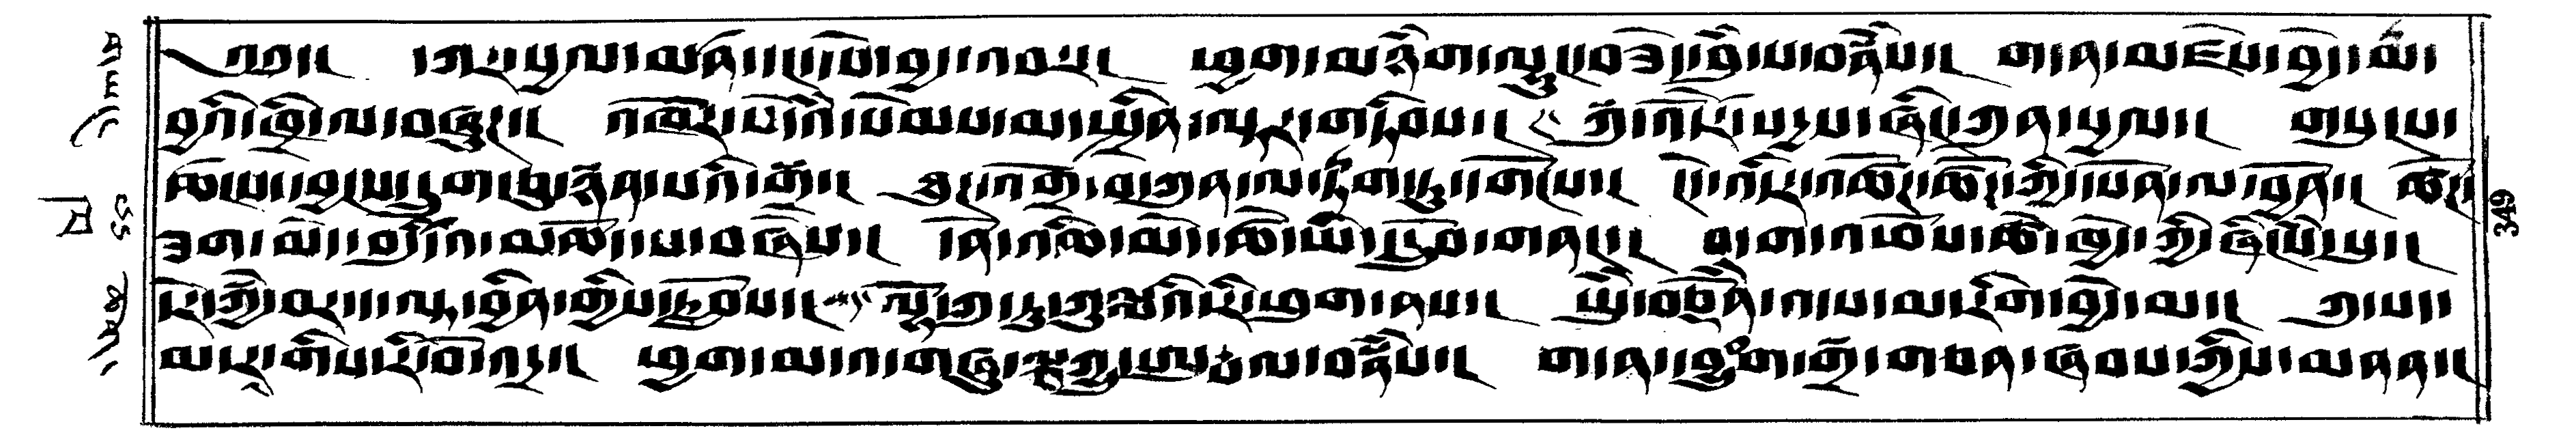དཀར་གསལ་མཚན་དང་དཔེ་བྱད་འབར། །ཕྱག་མཉམ་ཞག་ལྷུང་བཟེད་བུམ་པ་བསྣམས། །གདན་མཛེས་བྱེད་རྨ་
བྱའི་ཁྲི་ལ་བཞུགས། །འཁོར་སེམས་དཔའ་སེམས་མ་སྤྲིན་ལྟར་གཏིབས། །སྐུ་འོད་ཟེར་སངས་རྒྱས་ཞིང་ཀུན་གསལ། །གསུང་
ཚངས་དབྱངས་དྲུག་ཅུ་སྙན་པའི་སྒྲ། །ཐུགས་འགྲོ་བ་ཀུན་ལ་རྟག་ཏུ་དགོངས། །ངེད་འདིར་ཚོགས་ཚོགས་ཀྱི་དཔོན་ལ་བྱོན། །ཚོགས་
ཟག་མེད་བདུད་རྩི་མཆོད་པ་བཞེས། །དོན་འཆི་མེད་ཚེ་ཡི་དངོས་གྲུབ་གནང་། །བདག་འཕོས་ཚེ་ཁྱེད་ཀྱི་ཞིང་ཁམས་སུ། །
དེར་སྐྱེ་བར་ད་ལྟ་བྱིན་གྱིས་རློབས། །ལྷོ་ཀུ་རུ་ཀུལླེའི་རི་ཕུག་ནས། །ཡུམ་བཅོམ་ལྡན་འདས་མ་རིག་བྱེད་མ། །སྐུ་པད་
མ་རཱ་གའི་རི་བོ་འདྲ། །ཕྱག་མདའ་གཞུ་ལྕགས་ཀྱུ་ཨུཏྤཱལ་བསྣམས། །གདན་དབང་ཕྱུག་སྒྲ་གཅན་ཞབས་ཀྱིས་མནན།